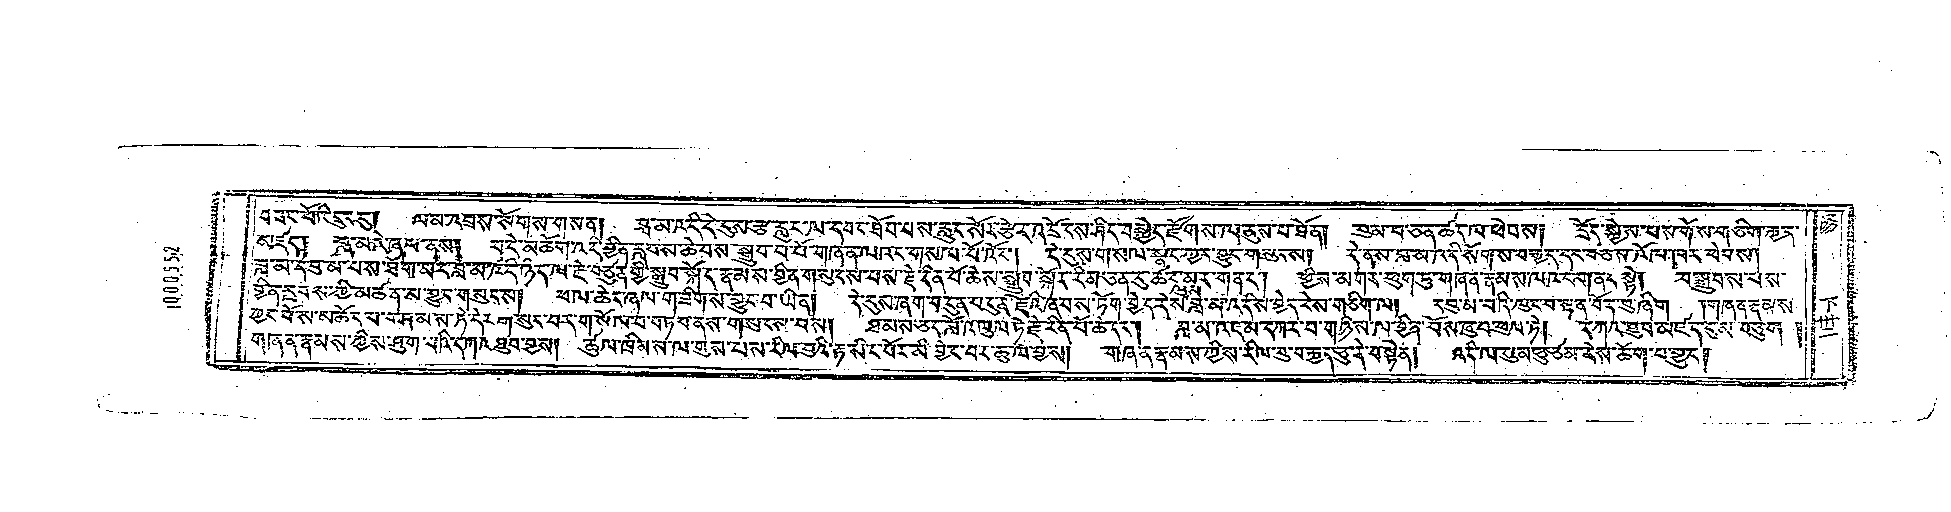བཟང་པོའི་དྲུང་དུ། ལམ་འབྲས་སོགས་གསན། བླ་མ་འདི་དེ་དུས་རྩ་རླུང་ལ་དབང་ཐོབ་པས་རླུང་སོར་རྩེར་འདྲོངས་ཤིང་བསྐྱེད་རྫོགས་ལ་ནུས་པ་ཐོན། བུམ་པ་ཅན་ཚད་ལ་ཕེབས། དྲོད་སྐྱེས་པས་གོས་གཅིག་རྐྱང་
མཛད། བླ་མའི་ཞལ་ནས། བདེ་མཆོག་འདི་བྱིན་རླབས་ཆེ་བས་སྒྲུབ་པ་པོ་གཞན་ལའང་གསལ་པོ་འོང་། དེ་དུས་གསལ་སྣང་ཀྱང་བྱུང་གསུངས། དེ་ནས་བླ་མ་འདི་སོགས་བརྒྱད་དང་བཅས་འོལ་ཁར་ཕེབས།
བླ་མ་དབུ་མ་པས་ཐོག་མར་བླ་མ་འདི་ཉིད་ལ་རྗེ་བཙུན་གྱི་སྒྲུབ་སྐོར་རྣམས་བྱིན་གསུངས་པས་རྗེ་རིན་པོ་ཆེས་སྒྲུབ་སྐོར་རིམ་ཅན་དུ་ཚད་ལུས་མར་གནང་། ཕྱིས་མགར་ཕུག་ཏུ་གཞན་རྣམས་ལའང་གནང་སྟེ། བསྒྲུབས་པས་
བྱིན་རླབས་ཀྱི་མཚན་མ་བྱུང་གསུངས། ཕལ་ཆེར་ཞལ་གཟིགས་བྱུང་བ་ཡིན། དེ་དུས་ཞག་བདུན་བདུན་རྗེའི་ཞབས་ཏོག་བྱེད་རེས་བླ་མ་འདིས་བྱེད་ངེས་གཅིག་ལ། དབུ་མ་པའི་ལུང་བསྟན་བོར་བུ་ཞིག །གཞན་རྣམས་
ཀྱང་བོ་ས་མཆོད་པ་བཤམས་ཏེ་དེར་གསུང་བར་གསོལ་བ་བཏབ་ནས་གསུངས་བས། ཐམས་ཅད་བློ་འཁྲུལ་ཏེ་རྗེ་རིན་པོ་ཆེ་དང་། བླ་མ་འཇམ་དཀར་བ་གཉིས་ལ་བྱིན་པོས་ཞུ་བ་ཕུལ་ཏེ། དཀའ་ཐུབ་མཛད་དུ་མ་བཅུག །
གཞན་རྣམས་ཀྱིས་ཤུག་པའི་དཀའ་ཐུབ་བྱས། ཚུལ་ཁྲིམས་ལ་གུས་པས་རིལ་བུའི་རྟ་སིང་བོར་མི་བྱེད་བར་ཚུལ་བྱས། གཞན་རྣམས་ཀྱིས་རིལ་བུ་བརྒྱད་ཅུ་རེ་བསྟེན། འདི་ལ་སུམ་ཅུ་ཙམ་རེས་ཆོག་པ་བྱུང་།